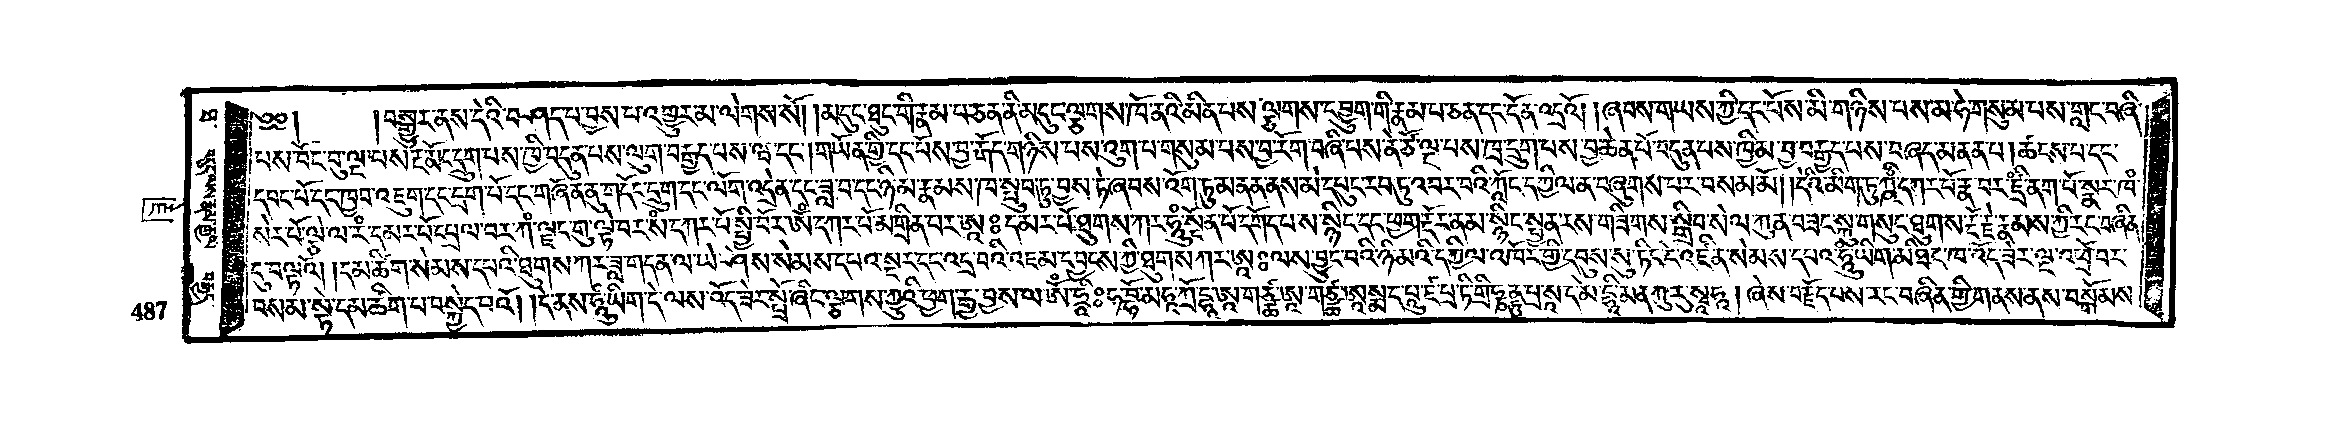༄༅། །བསྒྱུར་ནས་དེའི་བཤད་པ་བྱས་པ་འགྱུར་མ་ལེགས་སོ། །མདུང་ཐུང་གི་རྣམ་པ་ཅན་ནི་མདུང་ལྕགས་ཁོ་ནའི་མིན་པས་ལྕགས་དབྱུག་གི་རྣམ་པ་ཅན་དང་དོན་འདྲའོ། །ཞབས་གཡས་ཀྱི་དང་པོས་མི་གཉིས་པས་མ་ཧེ་གསུམ་པས་གླང་བཞི་
པས་བོང་བུ་ལྔ་པས་རྔ་མོང་དྲུག་པས་ཁྱི་བདུན་པས་ལུག་བརྒྱད་པས་ཝ་དང་། གཡོན་གྱི་དང་པོས་བྱ་རྒོད་གཉིས་པས་འུག་པ་གསུམ་པས་བྱ་རོག་བཞི་པས་ནེ་ཙོ་ལྔ་པས་ཁྲ་དྲུག་པས་བྱ་ཆེན་པོ་བདུན་པས་ཁྱིམ་བྱ་བརྒྱད་པས་བཞད་མནན་པ། ཚངས་པ་དང་
དབང་པོ་དང་ཁྱབ་འཇུག་དང་དྲག་པོ་དང་གཞོན་ནུ་གདོང་དྲུག་དང་ལོག་འདྲེན་དང་ཟླ་བ་དང་ཉི་མ་རྣམས་ཁ་སྤུབ་ཏུ་བྱས་ཏེ་ཞབས་འོག་ཏུ་མནན་ནས་མེ་དཔུང་རབ་ཏུ་འབར་བའི་ཀློང་དཀྱིལ་ན་བཞུགས་པར་བསམ་མོ། །དེའི་མིག་ཏུ་ཀྵིཾ་དཀར་པོ་རྣ་བར་ཛྲིཾ་ནག་པོ་སྣར་ཁཾ་
སེར་པོ་ལྕེ་ལ་རཾ་དམར་པོ་དཔྲལ་བར་ཀཾ་ལྗང་གུ་ལྟེ་བར་སཾ་དཀར་པོ་སྤྱི་བོར་ཨོཾ་དཀར་པོ་མགྲིན་པར་ཨཱཿ དམར་པོ་ཐུགས་ཀར་ཧཱུཾ་སྔོན་པོ་དགོད་པས་སྙིང་དང་ཕྱག་རྡོར་ནམ་སྙིང་སྤྱན་རས་གཟིགས་སྒྲིབ་སེལ་ཀུན་བཟང་སྐུ་གསུང་ཐུགས་རྡོ་རྗེ་རྣམས་ཀྱི་རང་བཞིན་
དུ་བལྟའོ། །དམ་ཚིག་སེམས་དཔའི་ཐུགས་ཀར་ཟླ་གདན་ལ་ཡེ་ཤེས་སེམས་དཔའ་སྔར་དང་འདྲ་བའི་འཇམ་དབྱངས་ཀྱི་ཐུགས་ཀར་ཨཱཿ ལས་བྱུང་བའི་ཉི་མའི་དཀྱིལ་འཁོར་གྱི་དབུས་སུ་ཏིང་ངེ་འཛིན་སེམས་དཔའ་ཧཱུཾ་ཡིག་མཐིང་ཁ་འོད་ཟེར་ལྔ་འཕྲོ་བར་
བསམ་སྟེ་དམ་ཚིག་པ་བསྐྱེད་པའོ། །དེ་ནས་ཧཱུཾ་ཡིག་དེ་ལས་འོད་ཟེར་སྤྲོ་ཞིང་ལྕགས་ཀྱུའི་ཕྱག་རྒྱ་བྱས་ལ་ཨོཾ་ཧྲཱིཿ ཧ་བྷོ་མཧཱ་ཀྲོ་དྷཱ་ཨཱ་གཙྪ་ཨཱ་གཙྪ་ཨཱ་སྨ་ད་པཱུ་ཛ་པྲ་ཏི་གྲིཧཎ་ནྟུ་པྲ་སཱ་ད་མེ་དྷཱི་མན་ཀུ་རུ་སྭཱཧཱ། ཞེས་བརྗོད་པས་རང་བཞིན་གྱི་གནས་ནས་བསྒོམས་